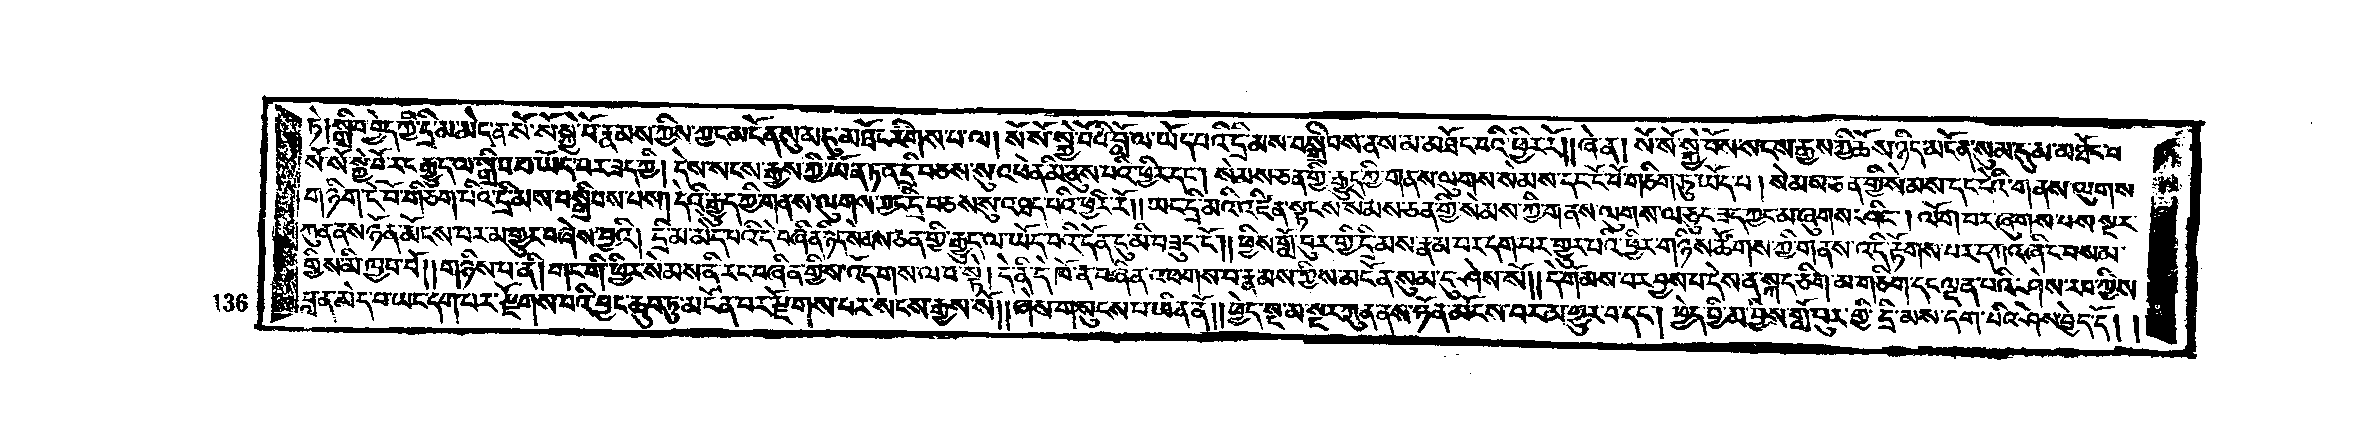ཏེ༑ སྒྲིབ་བྱེད་ཀྱི་དྲི་མ་མེད་ན་སོ་སོ་སྐྱེ་བོ་རྣམས་ཀྱིས་ཀྱང་མངོན་སུམ་དུ་མཐོང་རིགས་པ་ལ། སོ་སོ་སྐྱེ་བོའི་བློ་ལ་ཡོད་པའི་དྲི་མས་བསྒྲིབས་ནས་མ་མཐོང་བའི་ཕྱིར་རོ། །ཞེ་ན། སོ་སོ་སྐྱེ་བོས་སངས་རྒྱས་ཀྱི་ཆོས་ཉིད་མངོན་སུམ་དུ་མ་མཐོང་བ་
སོ་སོ་སྐྱེ་བོ་རང་རྒྱུད་ལ་སྒྲིབ་པ་ཡོད་པར་ཟད་ཀྱི། དེས་སངས་རྒྱས་ཀྱི་ཡོན་ཏན་དྲི་བཅས་སུ་འཕེན་མི་ནུས་པའི་ཕྱིར་དང་། སེམས་ཅན་གྱི་རྒྱུད་ཀྱི་གནས་ལུགས་སེམས་དང་ངོ་བོ་གཅིག་ཏུ་ཡོད་པ། སེམས་ཅན་གྱི་སེམས་དང་པོའི་གནས་ལུགས་
གཉི་ག?་ངོ་བོ་གཅིག་པའི་དྲི་མས་བསྒྲིབས་པས། དེའི་རྒྱུད་ཀྱི་ངས་ལུགས་ཀྱང་དྲི་བཅས་སུ་འཐད་པའི་ཕྱིར་རོ། །ཡང་དྲི་མའི་འཛིན་སྟངས་སེམས་ཅན་གྱི་སེམས་ཀྱི་གནས་ལུགས་ལ་ཅུང་ཟད་ཀྱང་མ་ཞུགས་ཤིང་། ལོག་པར་ཞུགས་པས་སྔར་
ཀུན་ནས་ཉོན་མོངས་པར་མ་གྱུར་བ་ཞེས་བྱའི། དྲི་མ་མེད་པའི་དེ་བཞིན་ཉིད་སེམས་ཅན་གྱི་རྒྱུད་ལ་ཡོད་པའི་དོན་དུ་མི་བཟུང་ངོ། །ཕྱིས་གློ་བུར་གྱི་དྲི་མས་རྣམ་པར་དག་པར་གྱུར་པའི་ཕྱིར་གཉིས་ཚོགས་ཀྱི་གནས་འདི་རྟོགས་པར་དཀའ་ཞིང་བསམ་
གྱིས་མི་ཁྱབ་བོ། །གཉིས་པ་ནི། གང་གི་ཕྱིར་སེམས་ནི་རང་བཞིན་གྱིས་འོད་གསལ་བ་སྟེ། དེ་ནི་དེ་ཁོ་ན་བཞིན་འཕགས་པ་རྣམས་ཀྱིས་མངོན་སུམ་དུ་ཤེས་སོ། །དེ་གོམས་པར་བྱས་པ་དེས་ན་སྐད་ཅིག་མ་གཅིག་དང་ལྡན་པའི་ཤེས་རབ་ཀྱིས་
བླ་ན་མེད་པ་ཡང་དག་པར་རྫོགས་པའི་བྱང་ཆུབ་ཏུ་མངོན་པར་རྫོགས་པར་སངས་རྒྱས་སོ། །ཞེས་གསུངས་པ་ཡིན་ནོ། །ཕྱེད་སྔ་མ་སྔར་ཀུན་ནས་ཉོན་མོངས་པར་མ་གྱུར་པ་དང་། ཕྱེད་བྱི་མ་བྱིས་གློ་བུར་གྱི་དྲི་མས་དག་པའི་ཤེས་བྱེད་དོ། །